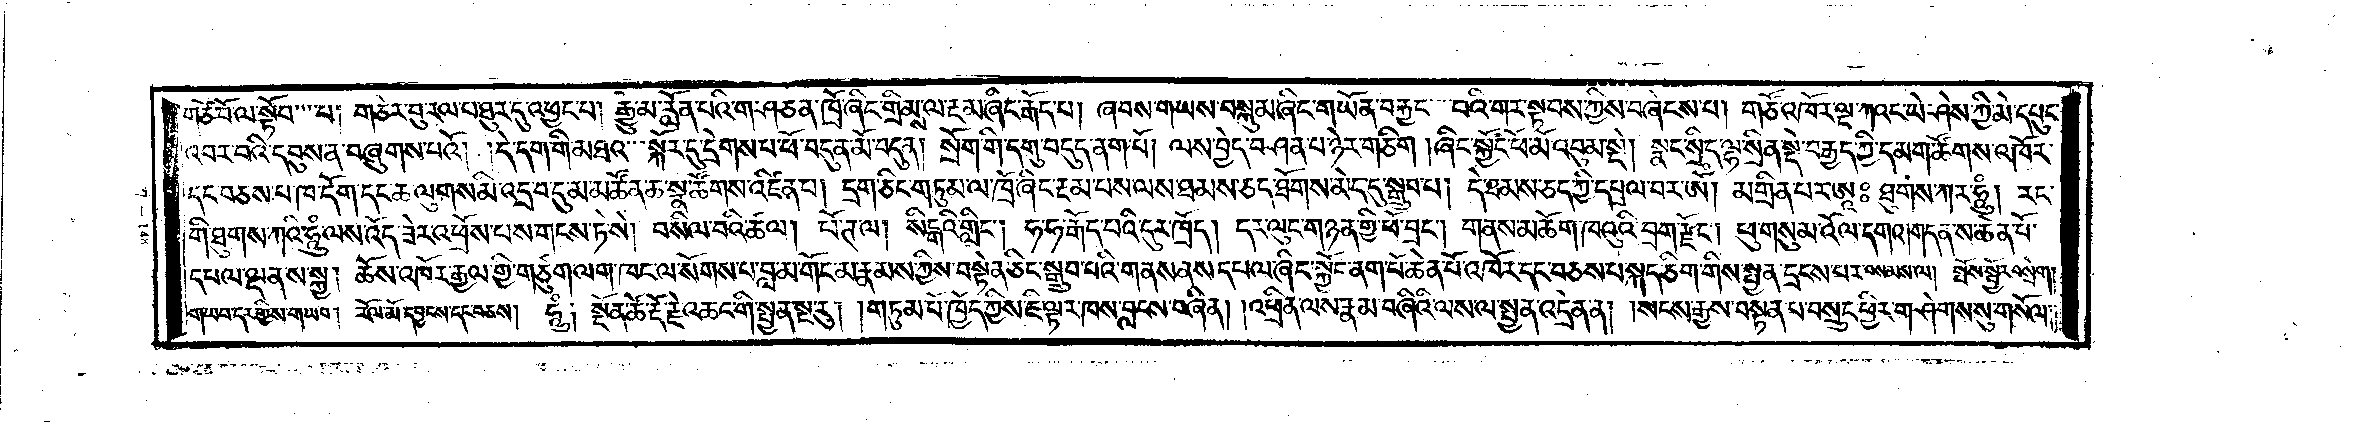གཙོ་བོ་ལ་སྟོབ་པ། གཅེར་བུ་རལ་པ་ཐུར་དུ་འཕྱང་བ། རྒྱུ་མ་རློན་པའི་ག་ཤ་ཅན་ཁྲོ་ཞིང་གྲིམས་ལ་རྔམ་ཞིང་རྒོད་པ། ཞབས་གཡས་བསྐུམ་ཞིང་གཡོན་བརྐྱང་པའི་གར་སྟབས་ཀྱིས་བཞེངས་པ། གཙོ་འཁོར་ལྔ་ཀའང་ཡེ་ཤེས་ཀྱི་མེ་དཔུང་
འབར་བའི་དབུས་ན་བཞུགས་པའོ། །དེ་དག་གི་མཐའ་སྐོར་དུ་དྲེགས་པ་ཕོ་བདུན་མོ་བདུན། སྲོག་གི་དགུ་བདུད་ནག་པོ། ལས་བྱེད་བཤན་པ་ཉེར་གཅིག །ཞིང་སྐྱོང་པོ་མོ་འབུམ་སྡེ། སྣང་སྲིད་ལྷ་སྲིན་སྡེ་བརྒྱད་ཀྱི་དམག་ཚོགས་འཁོར་
དང་བཅས་པ་ཁ་དོག་དང་ཆ་ལུགས་མི་འདྲ་བ་དུ་མ་མཚོན་ཆ་སྣ་ཚོགས་འཛིན་པ། དྲག་ཅིང་གཏུམ་ལ་ཁྲོ་ཞིང་རྔམ་པས་ལས་ཐམས་ཅད་ཐོགས་མེད་དུ་སྒྲུབ་པ། དེ་ཐམས་ཅད་ཀྱི་དཔྲལ་བར་ཨོཾ། མགྲིན་པར་ཨཱཿཐུགས་ཀར་ཧཱུཾ། རང་
གི་ཐུགས་ཀའི་ཧཱུཾ་ལས་འོད་ཟེར་འཕྲོས་པས་གངས་ཏེ་སེ། བསིལ་བའི་ཚལ། པོ་ཊ་ལ། སིངྒའི་གླིང་། ཧ་ཧ་རྒོད་པའི་དུར་ཁྲོད། དར་ལུང་གཉན་གྱི་ཕོ་བྲང་། གནས་མཆོག་ཁཱུའི་བྲག་རྫོང་། ཕུ་གསུམ་འོལ་དགའ་།གདན་ས་ཆེན་པོ་
དཔལ་ལྡན་ས་སྐྱ། ཆོས་འཁོར་རྒྱལ་གྱི་གཙུག་ལག་ཁང་ལ་སོགས་པ་བླ་མ་གོང་མ་རྣམས་ཀྱིས་བསྟེན་ཅིང་སྒྲུབ་པའི་གནས་ནས་དཔལ་ཞིང་སྐྱོང་ནག་པོ་ཆེན་པོ་འཁོར་དང་བཅས་པ་སྐད་ཅིག་གིས་སྤྱན་དྲངས་པར་བསམས་ལ། སྤོས་སྦྱོར་བ་སྲེག།
གཡབ་དར་གྱིས་གང་བ། རོལ་མོ་དབྱངས་དང་བཅས། ཧཱུཾ༑ སྔོན་ཚེ་རྡོ་རྗེ་འཆང་གི་སྤྱན་སྔ་རུ། །གཏུམ་པོ་ཁྱོད་ཀྱིས་ཇི་ལྟར་ཁས་བླངས་བཞིན། །འཕྲིན་ལས་རྣམ་བཞིའི་ལས་ལ་སྤྱན་འདྲེན་ན། །སངས་རྒྱས་བསྟན་པ་བསྲུང་ཕྱིར་གཤེགས་སུ་གསོལ།།